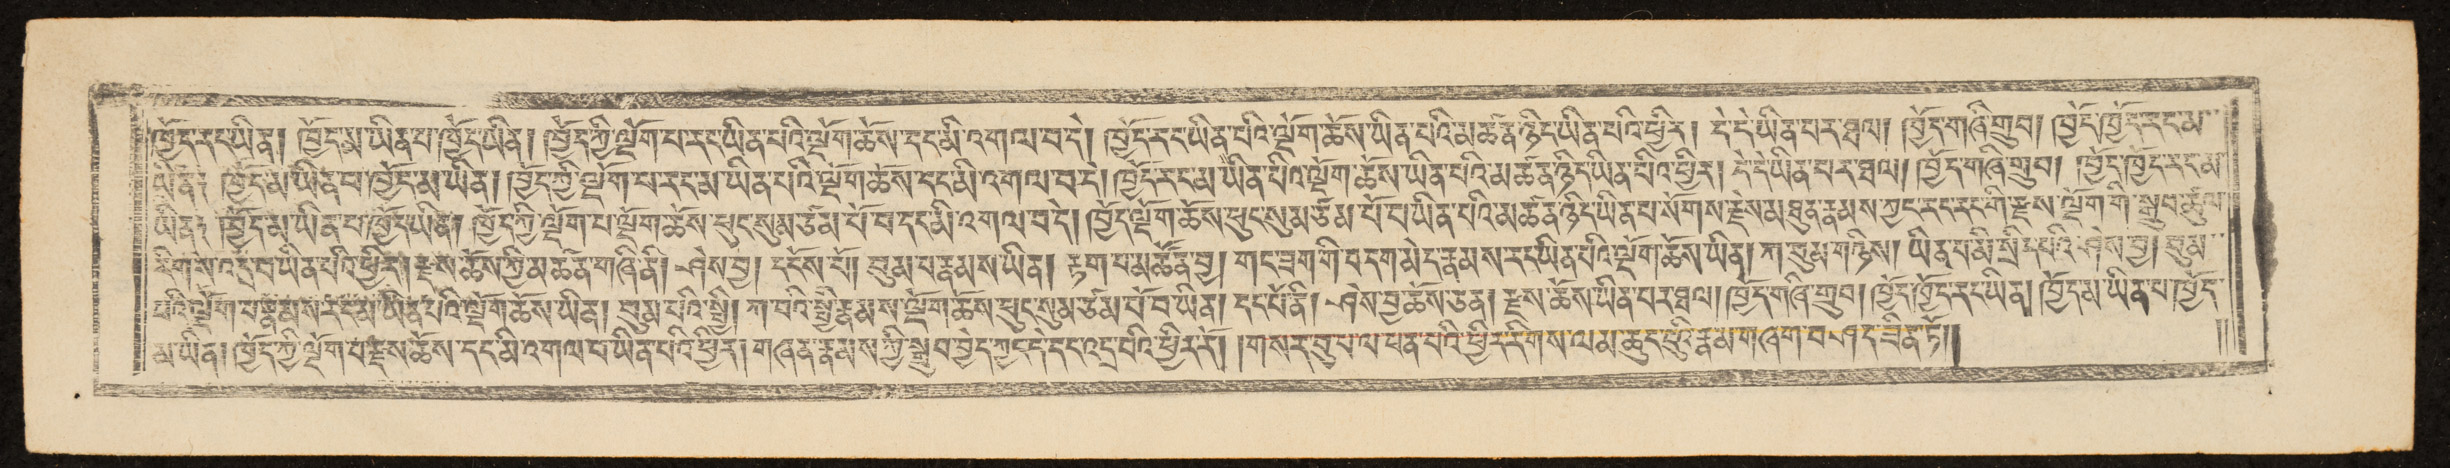ཁྱོད་རང་ཡིན། ཁྱོད་མ་ཡིན་པ་ཁྱོད་ཡིན། ཁྱོད་ཀྱི་ལྡོག་པ་རང་ཡིན་པའི་ལྡོག་ཆོས་དང་མི་འགལ་བ་དེ། ཁྱོད་རང་ཡིན་པའི་ལྡོག་ཆོས་ཡིན་པའི་མཚན་ཉིད་ཡིན་པའི་ཕྱིར། དེ་དེ་ཡིན་པར་ཐལ། ཁྱོད་གཞི་གྲུབ་ཁྱོད་ཁྱོད་རང་མ་
ཡིན། ཁྱོད་མ་ཡིན་པ་ཁྱོད་མ་ཡིན། ཁྱོད་ཀྱི་ལྡོག་པ་རང་མ་ཡིན་པའི་ལྡོག་ཆོས་དང་མི་འགལ་བ་དེ། ཁྱོད་རང་མ་ཡིན་པའི་ལྡོག་ཆོས་ཡིན་པའི་མཚན་ཉིད་ཡིན་པའི་ཕྱིར། དེ་དེ་ཡིན་པར་ཐལ། ཁྱོད་གཞི་གྲུབ། ཁྱོད་ཁྱོད་རང་མ་
ཡིན། ཁྱོད་མ་ཡིན་པ་ཁྱོད་ཡིན། ཁྱོད་ཀྱི་ལྡོག་པ་ལྡོག་ཆོས་ཕུང་སུམ་ཙམ་པོ་བ་དང་མི་འགལ་བ་དེ། ཁྱོད་ལྡོག་ཆོས་ཕུང་སུམ་ཙམ་པོ་བ་ཡིན་པའི་མཚན་ཉིད་ཡིན་པ་སོགས་རྗེས་མཐུན་རྣམས་ཀྱང་རང་རང་གི་རྫས་ལྡོག་གི་སྒྲུབ་ཚུལ་
རིགས་འདྲ་བ་ཡིན་པའི་ཕྱིར། རྫས་ཆོས་ཀྱི་མཚན་གཞི་ནི། ཤེས་བྱ། དངོས་པོ་བུམ་པ་རྣམས་ཡིན། རྟག་པ་མཚོན་བྱ། གང་ཟག་གི་བདག་མེད་རྣམས་རང་ཡིན་པའི་ལྡོག་ཆོས་ཡིན། ཀ་བུམ་གཉིས། ཡིན་པ་མི་སྲིད་པའི་ཤེས་བྱ། བུམ་
པའི་ལྡོག་པ་རྣམས་རང་མ་ཡིན་པའི་ལྡོག་ཆོས་ཡིན། བུམ་པའི་སྤྱི། ཀ་བའི་སྤྱི་རྣམས་ལྡོག་ཆོས་ཕུང་སུམ་ཙམ་པོ་བ་ཡིན། དང་པོ་ནི། ཤེས་བྱ་ཆོས་ཅན། རྫས་ཆོས་ཡིན་པར་ཐལ། ཁྱོད་གཞི་གྲུབ། ཁྱོད་ཁྱོད་རང་ཡིན། ཁྱོད་མ་ཡིན་པ་ཁྱོད་
མ་ཡིན། ཁྱོད་ཀྱི་ལྡོག་པ་རྫས་ཆོས་དང་མི་འགལ་བ་ཡིན་པའི་ཕྱིར་གཞན་རྣམས་ཀྱི་སྒྲུབ་བྱེད་ཀྱང་དེ་དང་འདྲ་བའི་ཕྱིར་རོ། །གསར་བུ་བ་ལ་ཕན་པའི་ཕྱིར་རིགས་ལམ་ཆུང་ངུའི་རྣམ་གཞག་བཤད་ཟིན་ཏོ།། །།